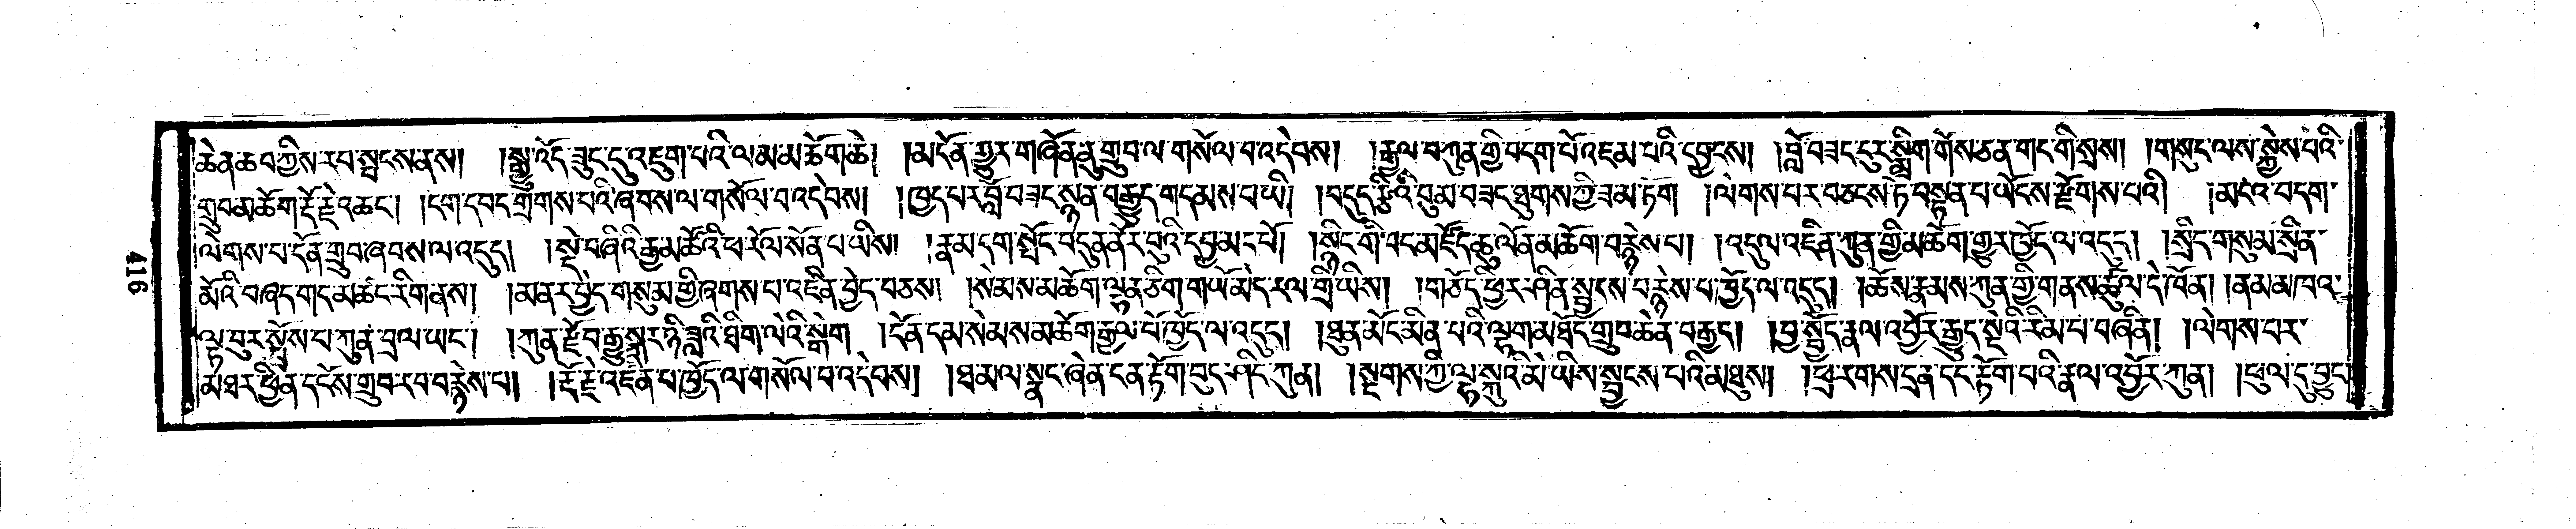ཆེན་ཆབ་ཀྱིས་རབ་སྤངས་ནས། །སྒྱུ་འོད་ཟུང་དུ་འཇུག་པའི་ལམ་མཆོག་ཆེ། །མངོན་གྱུར་གཞོན་ནུ་གྲུབ་ལ་གསོལ་བ་འདེབས། །རྒྱལ་བ་ཀུན་གྱི་བདག་པོ་འཇམ་པའི་དབྱངས། །བློ་བཟང་དུར་སྨྲིག་གོས་ཅན་གང་གི་སྲས། །གསུང་ལས་སྐྱེས་པའི་
གྲུབ་མཆོག་རྡོ་རྗེ་འཆང་། །ངག་དབང་གྲགས་པའི་ཞབས་ལ་གསོལ་བ་འདེབས། །ཁྱད་པར་བློ་བཟང་སྙན་བརྒྱུད་གདམས་པ་ཡི། །བདུད་རྩིའི་བུམ་བཟང་ཐུགས་ཀྱི་ཟ་མ་ཏོག །ལེགས་པར་བཅངས་ཏེ་བསྟན་པ་ཡོངས་རྫོགས་པའི། །མངའ་བདག་
ལེགས་པ་དོན་གྲུབ་ཞབས་ལ་འདུད། །སྡེ་བཞིའི་རྒྱ་མཚོའི་ཕ་རོལ་སོན་པ་ཡིས། །རྣམ་དག་སྤོང་བདུན་ནོར་བུའི་དཔྱ་མང་པོ། །སྙིང་གི་བང་མཛོད་ཆུ་ལོན་མཆོག་བརྙེས་པ། །འདུལ་འཛིན་ཀུན་གྱི་མཆོག་གྱུར་ཁྱོད་ལ་འདུད། །སྲིད་གསུམ་སྲིན་
མོའི་བཞད་གང་མཚར་རིག་ནས། །མནར་བྱེད་གསུམ་གྱི་ཞགས་པ་འཛིན་བྱེད་བཅས། །སེམས་མཆོག་ལྷན་ཅིག་གཡོ་མེད་རལ་གྲི་ཡིས། །གཅོད་ཕྱིར་ཤིན་སྦྱངས་བརྙེས་པ་ཁྱོད་ལ་འདུད། །ཆོས་རྣམས་ཀུན་གྱི་གནས་ཚུལ་དེ་ཁོ་ན། །ནམ་མཁའ་
ལྟ་བུར་སྤྲོས་པ་ཀུན་བྲལ་ཡང་། །ཀུན་རྫོབ་རྒྱུ་སྐར་ཉི་ཟླའི་ཐིག་ལེའི་སྒེག །དོན་དམ་སེམས་མཆོག་རྒྱལ་པོ་ཁྱོད་ལ་འདུད། །ཐུན་མོང་མིན་པའི་ལྷག་མཐོང་གྲུབ་ཆེན་བརྒྱད། །བྱ་སྦྱོད་རྣལ་འབྱོར་རྒྱུད་སྡེའི་རིམ་པ་བཞིན། །ལེགས་པར་
མཐར་ཕྱིན་དངོས་གྲུབ་རབ་བརྙེས་པ། །རྡོ་རྗེ་འཛིན་པ་ཁྱོད་ལ་གསོལ་བ་འདེབས། །ཐ་མལ་སྣང་ཞེན་ངན་རྟོག་བུད་ཤིང་ཀུན། །སྔགས་ཀྱི་ལྷ་སྐུའི་མེ་ཡིས་སྦྱངས་པའི་མཐུས། །ཕྲ་རགས་དྲན་དང་རྟོག་པའི་རྣལ་འབྱོར་ཀུན། །ཕུལ་དུ་བྱུང་